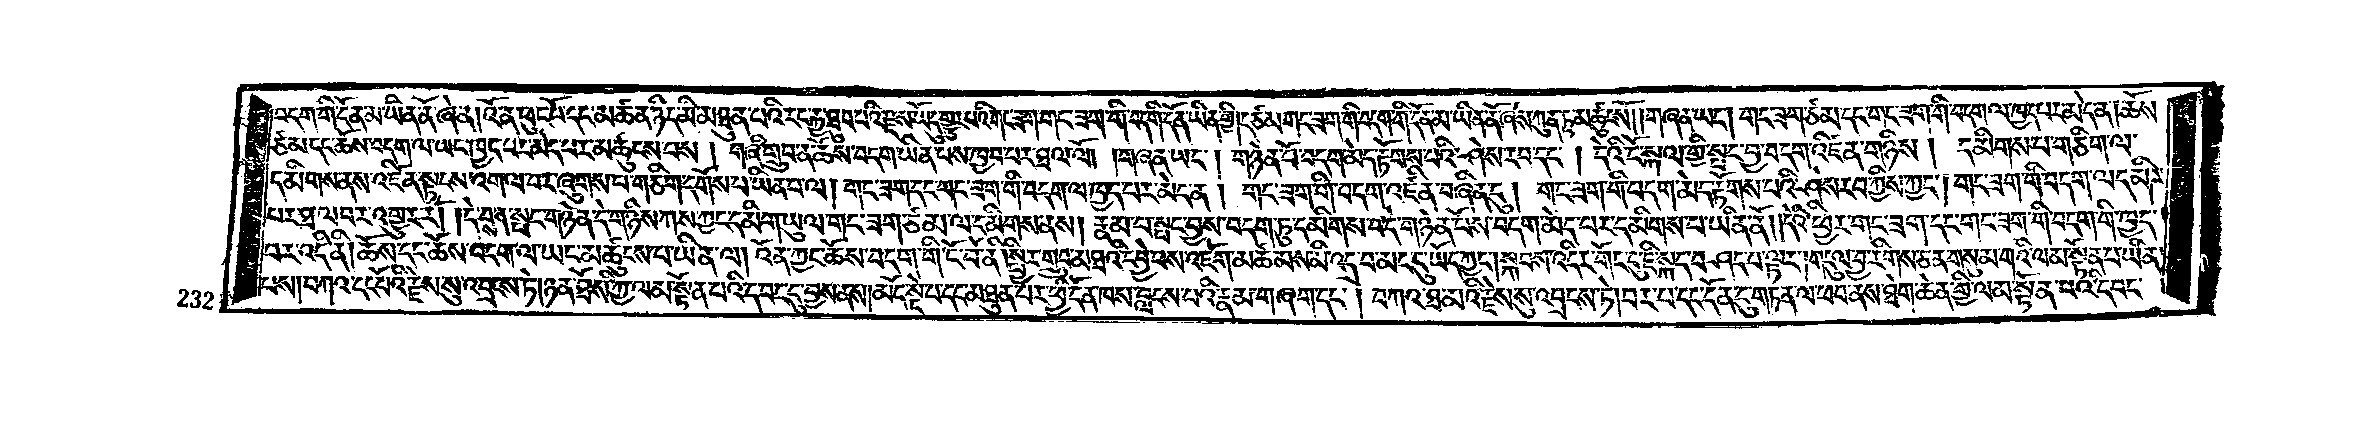བདག་གི་དོན་མ་ཡིན་ནོ་ཞེ་ན། འོ་ན་ཕུང་པོ་དང་མཚན་ཉིད་མི་མཐུན་པའི་རང་རྒྱ་ཐུབ་པའི་རྫས་ཡོད་དུ་གྱུར་པའི་གང་ཟག་གང་ཟག་གི་བདག་གི་དོན་ཡིན་གྱི། ད་ཙམ་གང་ཟག་གི་བདག་གི་དོན་མ་ཡིན་ནོ་ཞེས་ཀུན་ཏུ་མཚུངས་སོ། །གཞན་ཡང་། གང་ཟག་ཙམ་དང་གང་ཟག་གི་བདག་ལ་ཁྱད་པར་མེད་ན། ཆོས་
ཙམ་དང་ཆོས་བདག་ལ་ཡང་ཁྱད་པར་མེད་པར་མཚུངས་པས། གཞི་གྲུབ་ན་ཆོས་བདག་ཡིན་པས་ཁྱབ་པར་ཐལ་ལོ། །གཞན་ཡང་། གཉེན་པོ་བདག་མེད་རྟོགས་པའི་ཤེས་རབ་དང་། དེའི་ངོ་སྐལ་གྱི་སྤང་བྱ་བདག་འཛིན་གཉིས། དམིགས་པ་གཅིག་ལ་
དམིགས་ནས་འཛིན་སྟངས་འགལ་བར་ཞུགས་པ་གཅིག་དགོས་པ་ཡིན་པ་ལ། གང་ཟག་དང་གང་ཟག་གི་བདག་ལ་ཁྱད་པར་མེད་ན། གང་ཟག་གི་བདག་འཛིན་བཞིན་དུ། གང་ཟག་གི་བདག་མེད་རྟོགས་པའི་ཤེས་རབ་ཀྱིས་ཀྱང་། གང་ཟག་གི་བདག་ལ་དམིགས་
པར་ཐལ་བར་འགྱུར་རོ། །དེ་བས་ན་སྤང་གཉེན་དེ་གཉིས་ཀས་ཀྱང་དམིག་ཡུལ་གང་ཟག་ཙམ་ལ་དམིགས་ནས། རྣམ་པ་སྤང་བྱས་བདག་ཏུ་དམིགས་པ་དེ་གཉེན་པོས་བདག་མེད་པར་དམིགས་པ་ཡིན་ནོ། །དེའི་ཕྱིར་གང་ཟག་དང་གང་ཟག་གི་བདག་གི་ཁྱད་
པར་འདི་ནི། ཆོས་དང་ཆོས་བདག་ལ་ཡང་མཚུངས་པ་ཡིན་ལ། འོན་ཀྱང་ཆོས་བདག་གི་ངོ་བོ་ནི། སྤྱིར་གྲུབ་མཐའི་དབྱེ་བས་འཇོག་མཚམས་མི་འདྲ་བ་མང་དུ་ཡོད་ཀྱང་། སྐབས་འདིར་གོང་དུ་ཇི་སྐད་བཤད་པ་ལྟར། གདུལ་བྱ་རིགས་ཅན་གསུམ་གའི་ལམ་སྟོན་པ་ཡིན་
པས། བཀའ་དང་པོའི་རྗེས་སུ་འབྲངས་ཏེ། ཉན་ཐོས་ཀྱི་ལམ་སྟོན་པའི་དབང་དུ་བྱས་ནས། མདོ་སྔེ་པ་དང་མཐུན་པར་ཕྱི་དོན་ཁས་བླངས་པའི་རྣམ་གཞག་དང་། བཀའ་ཐ་མའི་རྗེས་སུ་འབྲངས་ཏེ། བར་པ་དང་དོན་དུ་གཏན་ལ་ཕབ་ནས་ཐེག་ཆེན་གྱི་ལམ་སྟོན་པའི་དབང་